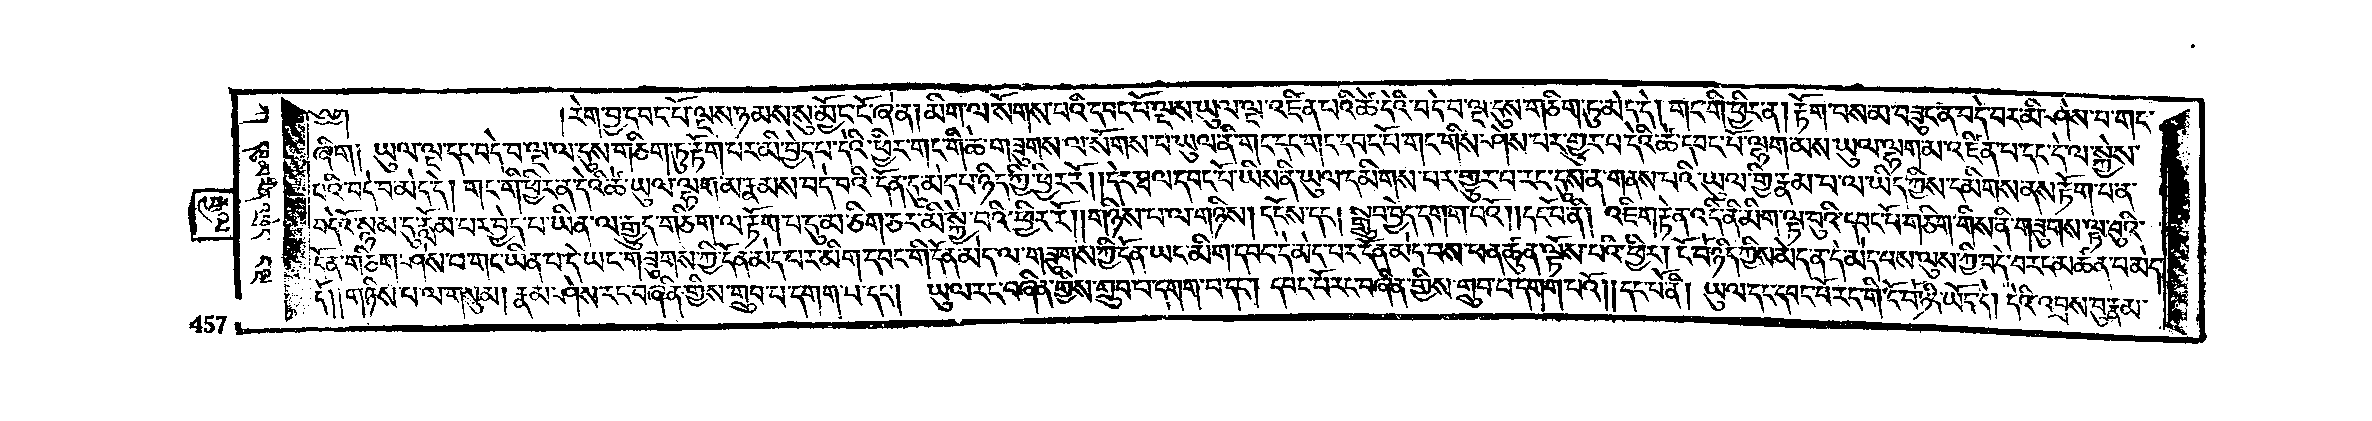༄༅། །རེག་བྱ་དབང་པོ་ལྔས་ཉམས་སུ་མྱོང་ངོ་ཞེ་ན། མིག་ལ་སོགས་པའི་དབང་པོ་ལྔས་ཡུལ་ལྔ་འཛིན་པའི་ཚེ་དེའི་བདེ་བ་ལྔ་དུས་གཅིག་ཏུ་མེད་དེ། གང་གི་ཕྱིར་ན། རྟོག་པས་མ་བཟུང་ན་བདེ་བར་མི་ཤེས་པ་གང་
ཞིག །ཡུལ་ལྔ་དང་བདེ་བ་ལྔ་ལ་དུས་གཅིག་ཏུ་རྟོག་པར་མི་བྱེད་པ་དེའི་ཕྱིར་གང་གི་ཆེ་གཟུགས་ལ་སོགས་པ་ཡུལ་ནི་གང་དང་གང་དབང་པོ་གང་གིས་ཤེས་པར་གྱུར་པ་དེའི་ཚེ་དབང་པོ་ལྷག་མས་ཡུལ་ལྷག་མ་འཛིན་པ་དང་དེ་ལ་སྐྱེས་
པའི་བདེ་བ་མེད་དེ། གང་གི་ཕྱིར་ན་དེའི་ཚེ་ཡུལ་ལྷག་མ་རྣམས་བདེ་བའི་དོན་དུ་མེད་པ་ཉིད་ཀྱི་ཕྱིར་རོ། །དེར་ཐལ་དབང་པོ་ཡིས་ནི་ཡུལ་དམིགས་པར་གྱུར་པ་རང་དུས་ན་གནས་པའི་ཡུལ་གྱི་རྣམ་པ་ལ་ཡིད་ཀྱིས་དམིགས་ནས་རྟོག་པ་ན་
བདེའོ་སྙམ་དུ་རློམ་པར་བྱེད་པ་ཡིན་ལ་རྒྱུད་གཅིག་ལ་རྟོག་པ་དུ་མ་ཅིག་ཅར་མི་སྐྱེ་བའི་ཕྱིར་རོ། །གཉིས་པ་ལ་གཉིས། དངོས་དང་། སྒྲུབ་བྱེད་དགག་པའོ། །དང་པོ་ནི། འཇིག་རྟེན་འདི་ནི་མིག་ལྟ་བུའི་དབང་པོ་གཅིག་གིས་ནི་གཟུགས་ལྟ་བུའི་
དོན་གཅིག་ཤེས་པ་གང་ཡིན་པ་དེ་ཡང་གཟུགས་ཀྱི་དོན་མེད་པར་མིག་དབང་གི་དོན་མེད་ལ་གཟུགས་ཀྱི་དོན་ཡང་མིག་དབང་དེ་མེད་པར་དོན་མེད་པས་ཕན་ཚུན་ལྟོས་པའི་ཕྱིར། ངོ་བོ་ཉིད་ཀྱིས་མེད་ན་དེ་མེད་པས་ལུས་ཀྱི་བདེ་བ་རང་མཚན་པ་མེད་
དོ། །གཉིས་པ་ལ་གསུམ། རྣམ་ཤེས་རང་བཞིན་གྱིས་གྲུབ་པ་དགག་པ་དང་། ཡུལ་རང་བཞིན་གྱིས་གྲུབ་པ་དགག་པ་དང་། དབང་པོ་རང་བཞིན་གྱིས་གྲུབ་པ་དགག་པའོ། །དང་པོ་ནི། ཡུལ་དང་དབང་པོ་རང་གི་ངོ་བོ་ཉིད་ཡོད་དེ། དེའི་འབྲས་བུ་རྣམ་